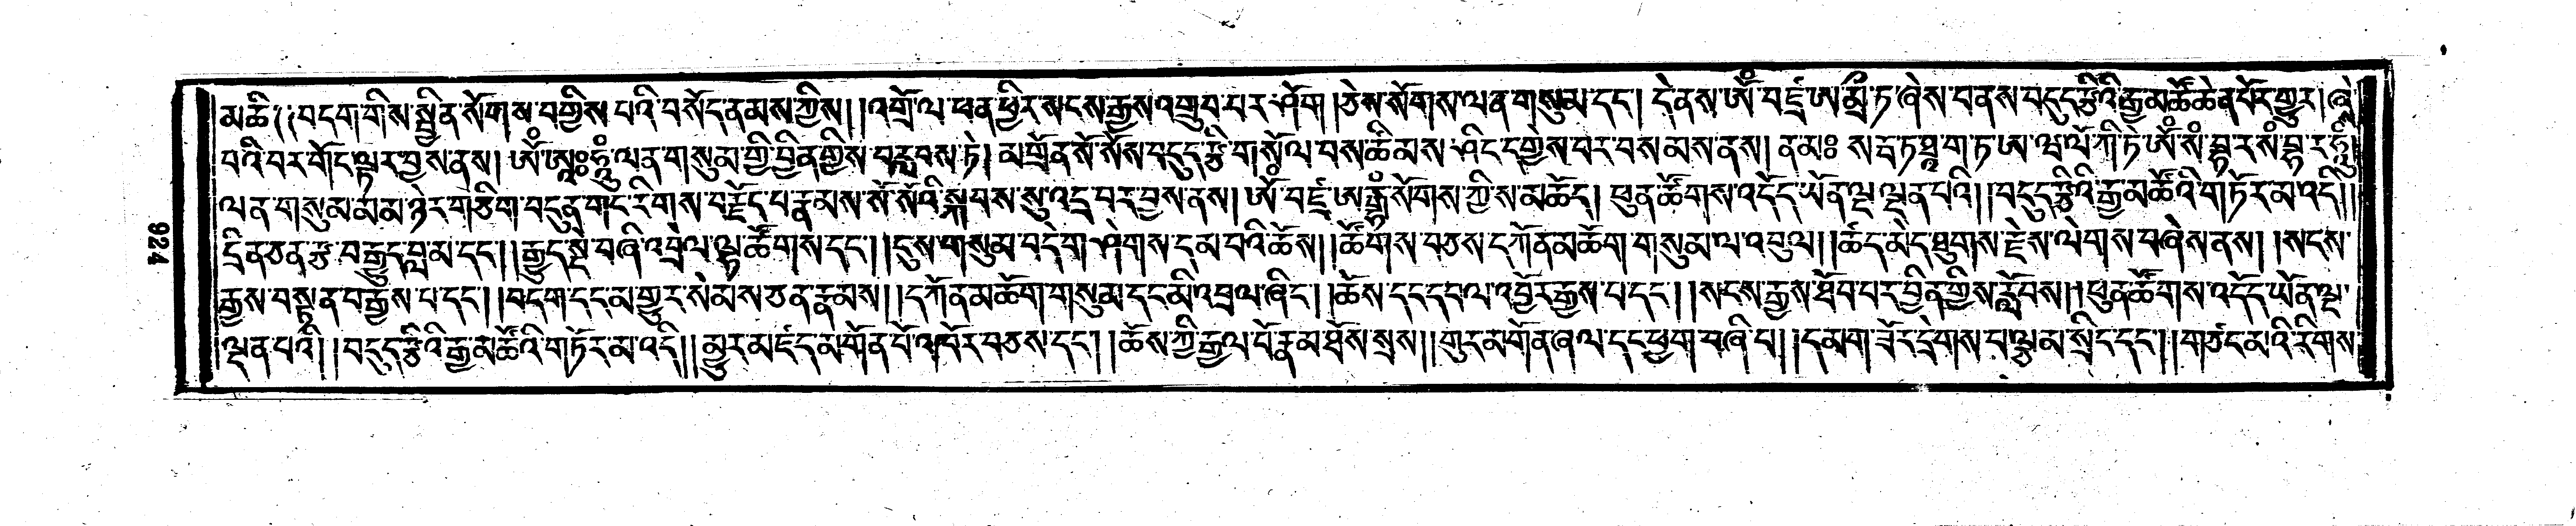མཆི༑ ༑བདག་གིས་སྦྱིན་སོགས་བགྱིས་པའི་བསོད་ནམས་ཀྱིས། །འགྲོ་ལ་ཕན་ཕྱིར་སངས་རྒྱས་འགྲུབ་པར་ཤོག །ཅེས་སོགས་ལན་གསུམ་དང་། དེ་ནས་ཨོཾ་བཛྲ་ཨ་མྲྀ་ཏ་ཞེས་པ་ནས་བདུད་རྩིའི་རྒྱ་མཚོ་ཆེན་པོར་གྱུར། ཞེས་
པའི་བར་གོང་ལྟར་བྱས་ནས། ཨོཾ་ཨཱཿ ཧཱུཾ་ལན་གསུམ་གྱི་བྱིན་གྱིས་བརླབས་ཏེ། མགྲོན་སོ་སོས་བདུད་རྩི་གསོལ་བས་ཚིམས་ཤིང་དགྱེས་པར་བསམས་ནས། ན་མཿ སརྦ་ཏ་ཐཱ་ག་ཏ་ཨ་ཝ་ལོ་ཀི་ཏེ་ཨོཾ་སཾ་བྷ་ར་སཾ་བྷ་ར་ཧཱུཾ།།
ལན་གསུམ་མམ་ཉེར་གཅིག་བདུན་གང་རིགས་བརྗོད་པ་རྣམས་སོ་སོའི་སྐབས་སུ་འདྲ་བར་བྱས་ནས། ཨོཾ་བཛྲ་ཨརྒྷཾ་སོགས་ཀྱིས་མཆོད། ཕུན་ཚོགས་འདོད་ཡོན་ལྔ་ལྡན་པའི། །བདུད་རྩིའི་རྒྱ་མཚོའི་གཏོར་མ་འདི།།
དྲིན་ཅན་རྩ་བརྒྱུད་བླ་མ་དང་། །རྒྱུད་སྡེ་བཞི་འབྲེལ་ལྷ་ཚོགས་དང་། །དུས་གསུམ་བདེ་གཤེགས་དམ་པའི་ཆོས། །ཚོགས་བཅས་དཀོན་མཆོག་གསུམ་ལ་འབུལ། །ཚད་མེད་ཐུགས་རྗེས་ལེགས་བཞེས་ནས། །སངས་
རྒྱས་བསྟན་པ་རྒྱས་པ་དང་། །བདག་དང་མ་གྱུར་སེམས་ཅན་རྣམས། །དཀོན་མཆོག་གསུམ་དང་མི་འབྲལ་ཞིང་། །ཆོས་དང་དཔལ་འབྱོར་རྒྱས་པ་དང་། །སངས་རྒྱས་ཐོབ་པར་བྱིན་གྱིས་རློབས། །ཕུན་ཚོགས་འདོད་ཡོན་ལྔ་
ལྡན་པའི། །བདུད་རྩིའི་རྒྱ་མཚོའི་གཏོར་མ་འདི། །མྱུར་མཛད་མགོན་པོ་འཁོར་བཅས་དང་། །ཆོས་ཀྱི་རྒྱལ་པོ་རྣམ་ཐོས་སྲས། །གུར་མགོན་ཞལ་དང་ཕྱག་བཞི་པ། །དམག་ཟོར་དྲེགས་པ་ལྕམ་སྲིང་དང་། །གཙང་མའི་རིགས་